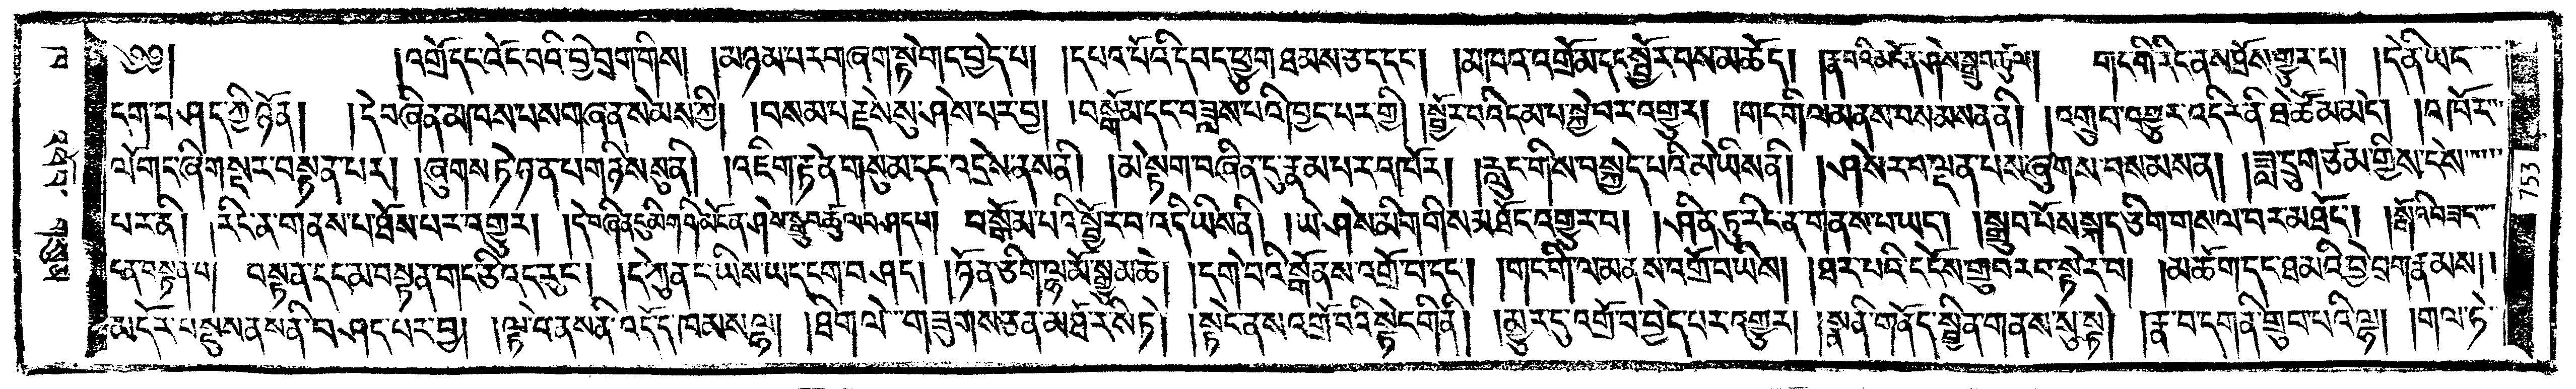༄༅། །འགྲོ་དང་འོང་བའི་བྱེ་བྲག་གིས། །མཉམ་པར་གཞག་སྟེ་གང་བྱེད་པ། །དཔའ་པོའི་དབང་ཕྱུག་ཐམས་ཅད་དང་། །མཁའ་འགྲོ་མ་དང་སྦྱོར་བས་མཆོད། །རྣ་བའི་མངོན་ཤེས་སྒྲུབ་ཚུལ། གང་གི་རིང་ནས་ཐོས་གྱུར་པ། །དེ་ནི་ཡང་
དག་བཤད་ཀྱི་ཉོན། །དེ་བཞིན་མཁས་པས་གཞན་སེམས་ཀྱི། །བསམ་པ་རྗེས་སུ་ཤེས་པར་བྱ། །བསྒོམ་དང་བཟླས་པའི་ཁྱད་པར་གྱི། །སྦྱོར་བའི་དམ་པ་སྐྱེ་བར་འགྱུར། །གང་གི་ལམ་ནས་བསམས་ན་ནི། །འགྲུབ་འགྱུར་འདིར་ནི་ཐེ་ཚོམ་མེད། །འཁོར་
ལོ་གང་ཞིག་སྔར་བསྟན་པར། །ཞུགས་ཏེ་ཉན་པ་གཉིས་སུ་ནི། །འཇིག་རྟེན་གསུམ་དང་འདྲེས་ནས་ནི། །མེ་སྟག་བཞིན་དུ་རྣམ་པར་འཁོར། །རླུང་གིས་བསྐྱེད་པའི་མེ་ཡིས་ནི། །ཤེས་རབ་ལྡན་པས་ཞུགས་བསམས་ན། །ཟླ་དྲུག་ཙམ་གྱིས་ངེས་
པར་ནི། །རིང་ན་གནས་པ་ཐོས་པར་འགྱུར། །དེ་བཞིན་དུ་མིག་གི་མངོན་ཤེས་སྒྲུབ་ཚུལ་བཤད་པ། བསྒོམ་པའི་སྦྱོར་བ་འདི་ཡིས་ནི། །ཡེ་ཤེས་མིག་གིས་མཐོང་འགྱུར་བ། །ཤིན་ཏུ་རིང་ན་གནས་པ་ཡང་། །སྒྲུབ་པོས་སྐད་ཅིག་གསལ་བར་མཐོང་། །སྒོའི་བཟང་
ངན་བསྟན་པ། བསྟན་དང་མ་བསྟན་གང་ཅིའང་རུང་། །དེ་ཀུན་ང་ཡིས་ཡང་དག་བཤད། །ཉོན་ཅིག་ལྷ་མོ་སྒྱུ་མ་ཆེ། །དགེ་བའི་སྒོ་ནས་འགྲོ་བ་དང་། །གང་གི་ལམ་ནས་འགྲོ་བ་ཡིས། །ཐར་པའི་དངོས་གྲུབ་རབ་སྟེར་བ། །མཆོག་དང་ཐ་མའི་བྱེ་བྲག་རྣམས།།
མདོར་བསྡུས་ནས་ནི་བཤད་པར་བྱ། །ལྟེ་བ་ནས་ནི་འདོད་ཁམས་ལྷ། །ཐིག་ལེ་གཟུགས་ཅན་མཐོ་རིས་ཏེ། །སྟེང་ནས་འགྲོ་བའི་སྟེང་གི་ནི། །མྱུར་དུ་འགྲོ་བ་བྱེད་པར་འགྱུར། །སྣ་ནི་གནོད་སྦྱིན་གནས་སུ་སྟེ། །རྣ་བདག་ནི་གྲུབ་པའི་ལྷ། །གལ་ཏེ་